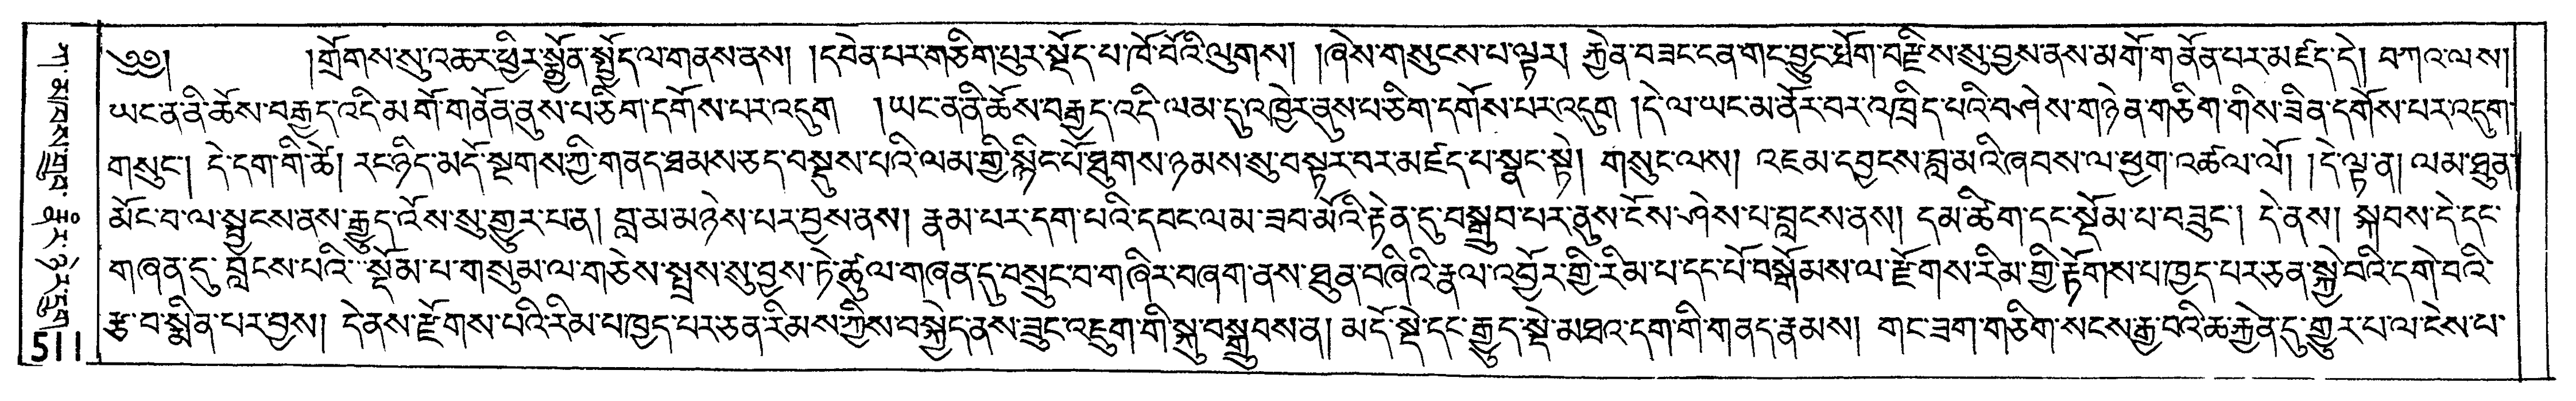༄༅། །གྲོགས་སུ་འཆར་ཕྱིར་སྨྱོན་སྤྱོད་ལ་གནས་ནས། །དབེན་པར་གཅིག་པུར་སྡོད་པ་ཁོ་བོའི་ལུགས། །ཞེས་གསུངས་པ་ལྟར། རྐྱེན་བཟང་ངན་གང་བྱུང་ཐོག་བརྫིས་སུ་བྱས་ནས་མགོ་གནོན་པར་མཛད་དེ། བཀའ་ལས།
ཡང་ན་ནི་ཆོས་བརྒྱད་འདི་མགོ་གནོན་ནུས་པ་ཅིག་དགོས་པར་འདུག །ཡང་ན་ནི་ཆོས་བརྒྱད་འདི་ལམ་དུ་འཁྱེར་ནུས་པ་ཅིག་དགོས་པར་འདུག །དེ་ལ་ཡང་མ་ནོར་བར་འཁྲིད་པའི་བཤེས་གཉེན་གཅིག་གིས་ཟིན་དགོས་པར་འདུག་
གསུང་། དེ་དག་གི་ཚེ། རང་ཉིད་མདོ་སྔགས་ཀྱི་གནད་ཐམས་ཅད་བསྡུས་པའི་ལམ་གྱི་སྙིང་པོ་ཐུགས་ཉམས་སུ་བསྟར་བར་མཛད་པ་སྣང་སྟེ། གསུང་ལས། འཇམ་དབྱངས་བླ་མའི་ཞབས་ལ་ཕྱག་འཚལ་ལོ། །དེ་ལྟ་ན། ལམ་ཐུན་
མོང་བ་ལ་སྦྱངས་ནས་རྒྱུད་འོས་སུ་གྱུར་པ་ན། བླ་མ་མཉེས་པར་བྱས་ནས། རྣམ་པར་དག་པའི་དབང་ལམ་ཟབ་མོའི་རྟེན་དུ་བསྒྲུབ་པར་ནུས་ངོས་ཤེས་པ་བླངས་ནས། དམ་ཚིག་དང་སྡོམ་པ་བཟུང་། དེ་ནས། སྐབས་དེ་དང་
གཞན་དུ་བླངས་པའི་སྡོམ་པ་གསུམ་ལ་གཅེས་སྤྲས་སུ་བྱས་ཏེ་ཚུལ་གཞན་དུ་བསྲུང་བ་གཞིར་བཞག་ནས་ཐུན་བཞིའི་རྣལ་འབྱོར་གྱི་རིམ་པ་དང་པོ་བསྒོམས་ལ་རྫོགས་རིམ་གྱི་རྟོགས་པ་ཁྱད་པར་ཅན་སྐྱེ་བའི་དགེ་བའི་
རྩ་བ་སྨིན་པར་བྱས། དེ་ནས་རྫོགས་པའི་རིམ་པ་ཁྱད་པར་ཅན་རིམས་ཀྱིས་བསྐྱེད་ནས་ཟུང་འཇུག་གི་སྐུ་བསྒྲུབས་ན། མདོ་སྡེ་དང་རྒྱུད་སྡེ་མཐའ་དག་གི་གནད་རྣམས། གང་ཟག་གཅིག་སངས་རྒྱ་བའི་ཆ་རྐྱེན་དུ་གྱུར་པ་ལ་ངེས་པ་